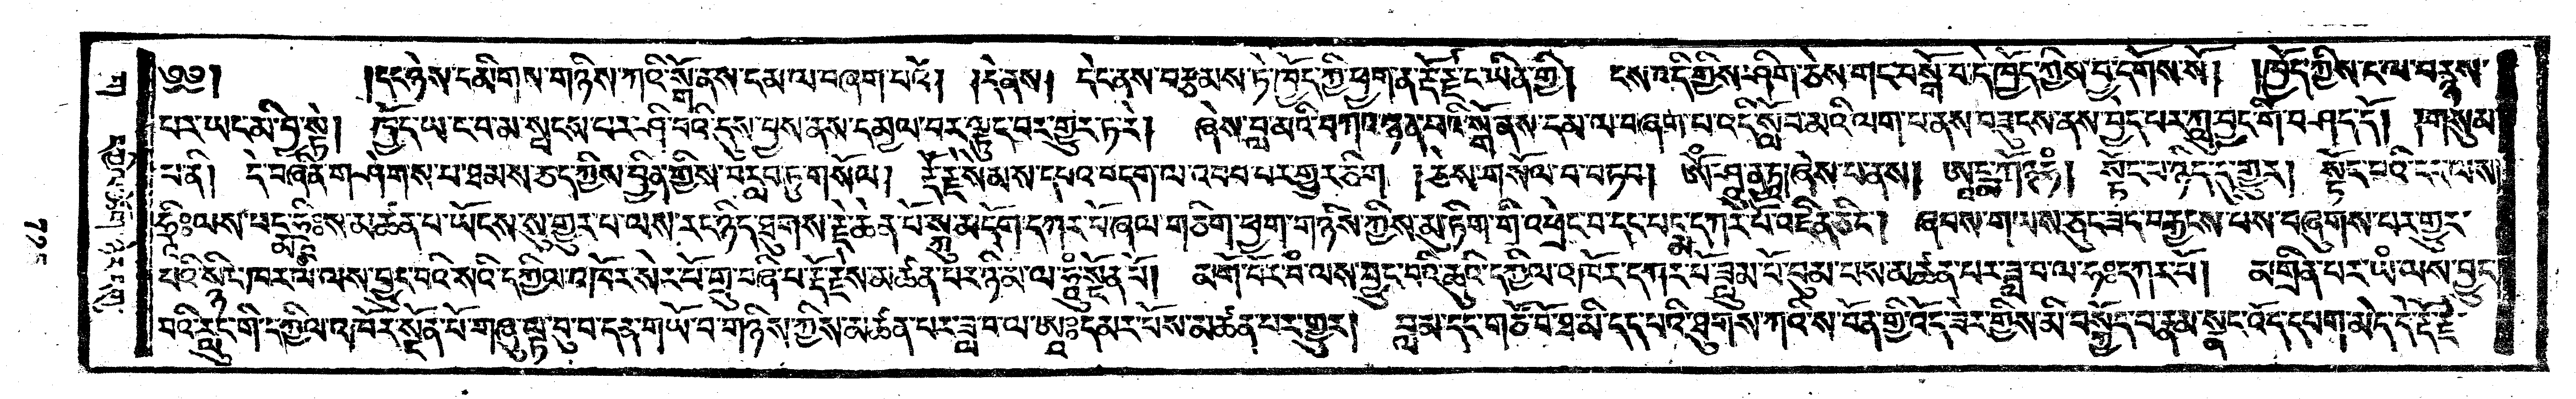༄༅། །དང་ཉེས་དམིགས་གཉིས་ཀའི་སྒོ་ནས་དམ་ལ་བཞག་པའོ། །དེ་ནས། དེང་ནས་བརྩམས་ཏེ་ཁྱོད་ཀྱི་ཕྱག་ན་རྡོ་རྗེ་པ་ཡིན་གྱི། ངས་འདི་གྱིས་ཤིག་ཅེས་གང་བསྒོ་བ་དེ་ཁྱོད་ཀྱིས་བྱ་དགོས་སོ། །ཁྱོད་ཀྱིས་ང་ལ་བརྙས་
པར་ཡང་མི་བྱ་སྟེ། ཁྱོད་ཡ་ང་བ་མ་སྤངས་པར་ཤི་བའི་དུས་བྱས་ནས་དམྱལ་བར་ལྟུད་བར་གྱུར་ཏ་རེ། ཞེས་བླ་མའི་བཀའ་ཉན་བའི་སྒོ་ནས་དམ་ལ་བཞག་པ་འདི་སློབ་མའི་ལག་པ་ནས་བཟུངས་ནས་བྱེད་པར་ཀླུ་བྱང་གི་བཤད་དོ། །གསུམ་
པ་ནི། དེ་བཞིན་གཤེགས་པ་ཐམས་ཅད་ཀྱིས་བྱིན་གྱིས་བརླབ་ཏུ་གསོལ། རྡོ་རྗེ་སེམས་དཔའ་བདག་ལ་འབབ་པར་གྱུར་ཅིག །ཅེས་གསོལ་བ་བཏབ། ཨོཾ་ཤཱུ་ནྱ་ཏཱ། ཞེས་པ་ནས། ཨཱདམ་ཀོཉྷཾ། སྟོང་པ་ཉིད་དུ་གྱུར། སྟོང་པའི་ངང་ལས་
ཧྲཱིཿལས་པདམ་ཧྲཱིཿས་མཚན་པ་ཡོངས་སུ་གྱུར་པ་ལས་རང་ཉིད་ཐུགས་རྗེ་ཆེན་པོ་སྐུ་མདོག་དཀར་པོ་ཞལ་གཅིག་ཕྱག་གཉིས་ཀྱིས་མུ་ཏིག་གི་འཕྲེང་བ་དང་པདམ་དཀར་པོ་འཛིན་ཅིང་། ཞབས་གཡས་ཅུང་ཟད་བརྐྱངས་པས་བཞུགས་པར་གྱུར་
པའི་སྙིང་ཁར་ལ་ལས་བྱུང་བའི་སའི་དཀྱིལ་འཁོར་སེར་པོ་གྲུ་བཞི་པ་རྡོ་རྗེས་མཚན་པར་ཉི་མ་ལ་ཧཱུཾ་སྔོན་པོ། མགོ་བོར་བཾ་ལས་བྱུང་བའི་ཆུའི་དཀྱིལ་འཁོར་དཀར་པོ་ཟླུམ་པོ་བུམ་པས་མཚན་པར་ཟླ་བ་ལ་ཧཿདཀར་པོ། མགྲིན་པར་ཡཾ་ལས་བྱུང་
བའི་རླུང་གི་དཀྱིལ་འཁོར་སྔོན་པོ་གཞུ་ལྟ་བུ་བ་དན་གཡོ་བ་གཉིས་ཀྱིས་མཚན་པར་ཟླ་བ་ལ་ཨཱཿ དམར་པོས་མཚན་པར་གྱུར། བླ་མ་དང་གཙོ་བོ་ཐ་མི་དད་པའི་ཐུགས་ཀའི་ས་བོན་གྱི་འོད་ཟེར་གྱིས་མི་བསྐྱོད་པ་རྣམ་སྣང་འོད་དཔག་མེད་དེ་རྡོ་རྗེ་